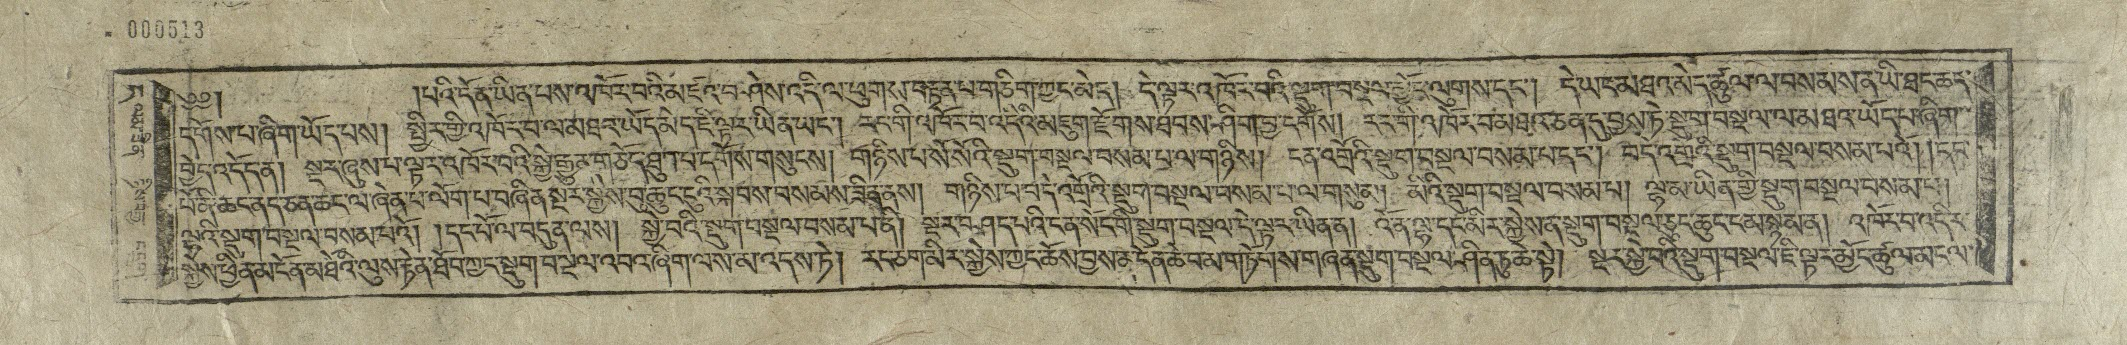༄༅། །པའི་དོན་ཡིན་པས་འཁོར་བའི་མཛའ་བཤེས་འདི་ལ་ཕུགས་བརྟན་པ་གཅིག་ཀྱང་མེད། དེ་ལྟར་འཁོར་བའི་སྡུག་བསྔལ་མྱོང་ལུགས་དང་། དེ་ཡང་མཐའ་མེད་ཚུལ་ལ་བསམས་ན་ཡི་ཐང་ཆད་
དགོས་པ་ཞིག་ཡོད་པས། སྤྱིར་གྱི་འཁོར་བ་ལ་མཐའ་ཡོད་མེད་ཇི་ལྟར་ཡིན་ཡང་། རང་གི་འཁོར་བ་འདིའི་མཇུག་རྫོགས་ཐབས་ཤིག་བྱ་དགོས། རང་གི་འཁོར་བ་མཐའ་ཅན་དུ་བྱས་ཏེ་སྡུག་བསྔལ་ལ་མཐའ་ཡོད་པ་ཞིག་
བྱེད་འདོད་ན། སྔར་ཞུས་པ་ལྟར་འཁོར་བའི་སྐྱེ་རྒྱུན་གཅོད་ཐུབ་པ་དགོས་གསུངས། གཉིས་པ་སོ་སོའི་སྡུག་བསྔལ་བསམ་པ་ལ་གཉིས། ངན་འགྲོའི་སྡུག་བསྔལ་བསམ་པ་དང་། བདེ་འགྲོའི་སྡུག་བསྔལ་བསམ་པའོ། །དང་
པོ་ནི་ཆང་ནད་ཅན་ཆང་ལ་ཞེན་པ་ལོག་པ་བཞིན་སྔར་སྐྱེས་བུ་ཆུང་ངུའི་སྐབས་བསམས་ཟིན་ནས། གཉིས་པ་བདེ་འགྲོའི་སྡུག་བསྔལ་བསམ་པ་ལ་གསུམ། མིའི་སྡུག་བསྔལ་བསམ་པ། ལྷ་མ་ཡིན་གྱི་སྡུག་བསྔལ་བསམ་པ།
ལྷའི་སྡུག་བསྔལ་བསམ་པའོ། །དང་པོ་ལ་བདུན་ལས། སྐྱེ་བའི་སྡུག་བསྔལ་བསམ་པ་ནི། སྔར་བཤད་པའི་ངན་སོང་གི་སྡུག་བསྔལ་དེ་ལྟར་ཡིན་ན། འོ་ན་ལྷ་དང་མིར་སྐྱེས་ན་སྡུག་བསྔལ་ཅུང་ཆུང་ངམ་སྙམ་ན། འཁོར་བ་འདིར་
སྐྱེས་ཕྱིན་མངོན་མཐོའི་ལུས་རྟེན་ཐོབ་ཀྱང་སྡུག་བསྔལ་འབའ་ཞིག་ལས་མ་འདས་ཏེ། རང་ཅག་མིར་སྐྱེས་ཀྱང་ཆོས་བྱས་ན་དོན་ཆེ་བ་མ་གཏོགས་གཞན་སྡུག་བསྔལ་ཤིན་ཏུ་ཆེ་སྟེ། སྔར་སྐྱེ་བའི་སྡུག་བསྔལ་ཇི་ལྟར་མྱོང་ཚུལ་མངལ་